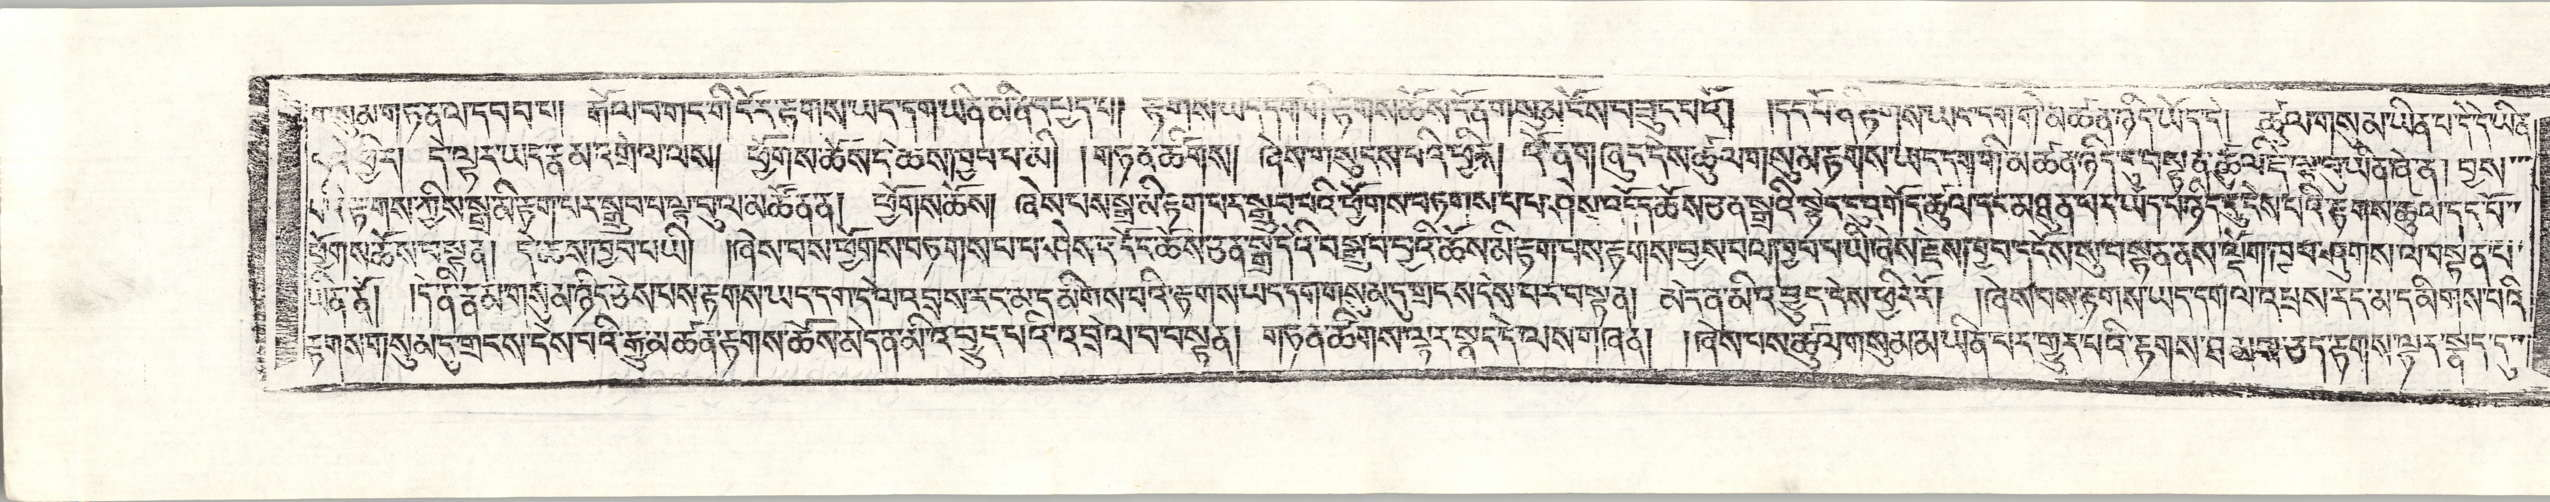གསུམ་གཏན་ལ་དབབ་པ། རྒོལ་བ་གང་གི་ངོར་རྟགས་ཡང་དག་ཡིན་མིན་དཔྱད་པ། རྟགས་ཡང་དག་གི་རྟགས་ཆོས་དོན་གསུམ་ངོས་བཟུང་བའོ། །དང་པོ་ནི་རྟགས་ཡང་དག་གི་མཚན་ཉིད་ཡོད་དེ། ཚུལ་གསུམ་ཡིན་པ་དེ་དེ་ཡིན་
པའི་ཕྱིར། དེ་ལྟར་ཡང་རྣམ་འགྲེལ་ལས། ཕྱོགས་ཆོས་དེ་ཆོས་ཁྱབ་པ་ཡི་མི། །གཏན་ཚིགས། ཞེས་གསུངས་པའི་ཕྱིར། འོ་ན་གཞུང་དེས་ཚུལ་གསུམ་རྟགས་ཡང་དག་གི་མཚན་ཉིད་དུ་བསྟན་ཚུལ་ཇི་ལྟ་བུ་ཡིན་ཞེ་ན། བྱས་
པའི་རྟགས་ཀྱིས་སྒྲ་མི་རྟག་པར་སྒྲུབ་པ་ལྟ་བུ་ལ་མཚོན་ན། ཕྱོགས་ཆོས། ཞེས་པས་སྒྲ་མི་རྟག་པར་སྒྲུབ་པའི་ཕྱོགས་བཏགས་པ་བ་ཤེས་འདོད་ཆོས་ཅན་སྒྲའི་སྟེང་དུ་འགོད་ཚུལ་དང་མཐུན་པར་ཡོད་པ་ཉིད་དུ་ངེས་པའི་རྟགས་ཚུལ་དང་པོ་
ཕྱོགས་ཆོས་བསྟན། དེ་ཆས་ཁྱབ་པ་ཡི། །ཞེས་པས་ཕྱོགས་བཏགས་པ་པ་ཤེས་འདོད་ཆོས་ཅན་སྒྲ་དེའི་བསྒྲུབ་བྱའི་ཆོས་མི་རྟག་པས་རྟགས་བྱས་པ་ལ་ཁྱབ་པ་ཡི་ཞེས་རྗེས་ཁྱབ་དངོས་སུ་བསྟན་ནས་ལྡོག་ཁྱབ་ཤུགས་ལ་བསྟན་པ་
ཡིན་ནོ། །དེ་ནི་རྣམ་གསུམ་ཉིད་ཅེས་པས་རྟགས་ཡང་དག་དེ་ལ་འབྲས་རང་མ་དམིགས་པའི་རྟགས་ཡང་དག་གསུམ་དུ་གྲངས་ངེས་པར་བསྟན། མེད་ན་མི་འབྱུང་ངེས་ཕྱིར་རོ། །ཞེས་པས་རྟགས་ཡང་དག་ལ་འབྲས་རང་མ་དམིགས་པའི་
རྟགས་གསུམ་དུ་གྲངས་ངེས་པའི་རྒྱུ་མཚན་རྟགས་ཆོས་མེད་ན་མི་འབྱུང་བའི་འབྲེལ་བ་བསྟན། གཏན་ཚིགས་ལྟར་སྣང་དེ་ལས་གཞན། །ཞེས་པས་ཚུལ་གསུམ་མ་ཡིན་པར་གྱུར་བའི་རྟགས་ཐམས་ཅད་རྟགས་ལྟར་སྣང་དུ་